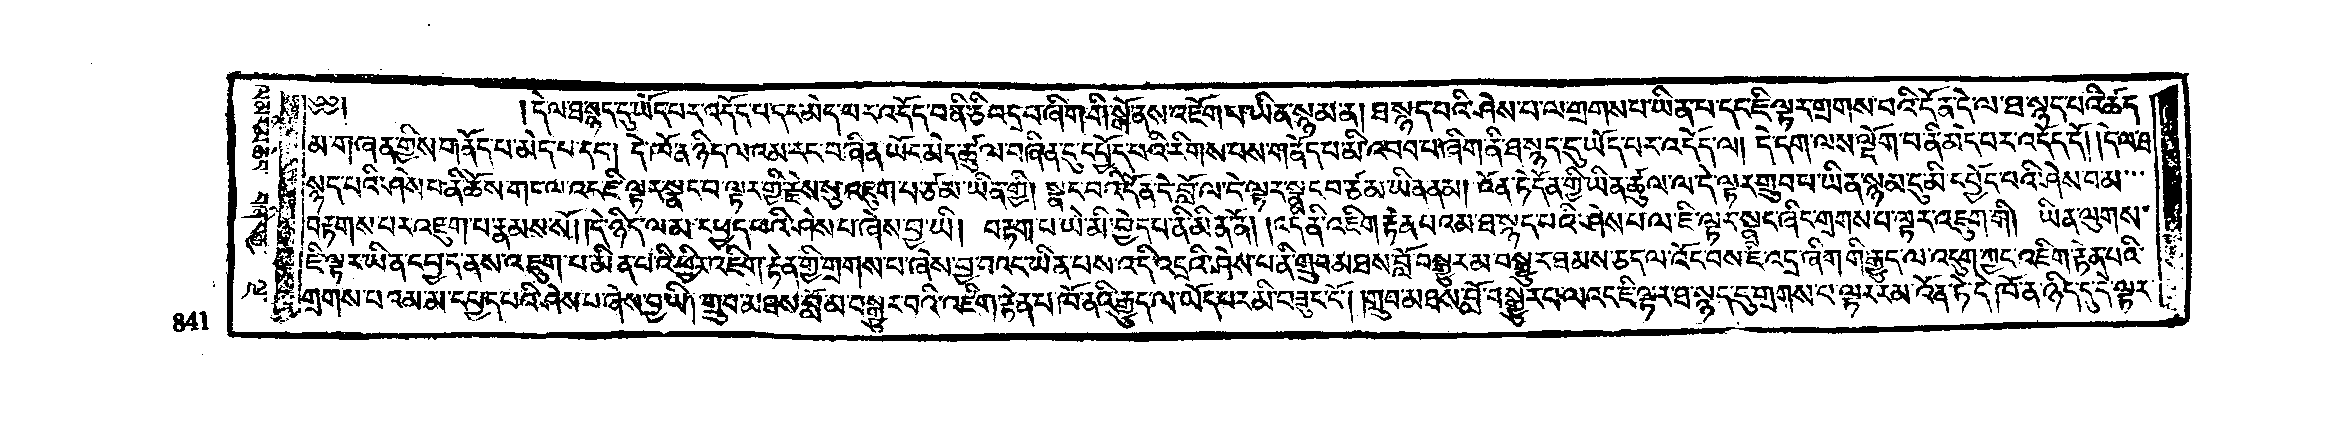༄༅། །དེ་ལ་ཐ་སྙད་དུ་ཡོད་པར་འདོད་པ་དང་མེད་པར་འདོད་པ་ནི་ཅི་འདྲ་བ་ཞིག་གི་སྒོ་ནས་འཇོག་པ་ཡིན་སྙམ་ན། ཐ་སྙད་པའི་ཤེས་པ་ལ་གྲགས་པ་ཡིན་པ་དང་ཇི་ལྟར་གྲགས་པའི་དོན་དེ་ལ་ཐ་སྙད་པའི་ཚད་
མ་གཞན་གྱིས་གནོད་པ་མེད་པ་དང་། དེ་ཁོ་ན་ཉིད་ལའམ་རང་བཞིན་ཡོད་མེད་ཚུལ་བཞིན་དུ་དཔྱོད་པའི་རིགས་པས་གནོད་པ་མི་འབབ་པ་ཞིག་ནི་ཐ་སྙད་དུ་ཡོད་པར་འདོད་ལ། དེ་དག་ལས་ལྡོག་པ་ནི་མེད་པར་འདོད་དོ། །དེ་ལ་ཐ་
སྙད་པའི་ཤེས་པ་ནི་ཆོས་གང་ལའང་ཇི་ལྟར་སྣང་བ་ལྟར་གྱི་རྗེས་སུ་འཇུག་པ་ཙམ་ཡིན་གྱི། སྣང་བའི་དོན་དེ་བློ་ལ་དེ་ལྟར་སྣང་བ་ཙམ་ཡིན་ནམ། འོན་ཏེ་དོན་གྱི་ཡིན་ཚུལ་ལ་དེ་ལྟར་གྲུབ་པ་ཡིན་སྙམ་དུ་མི་དཔྱོད་པའི་ཤེས་པ་མ་
བརྟགས་པར་འཇུག་པ་རྣམས་སོ། །དེ་ཉིད་ལ་མ་དཔྱད་པའི་ཤེས་པ་ཞེས་བྱ་ཡི། བརྟག་པ་ཡེ་མི་བྱེད་པ་ནི་མིན་ནོ། །འདི་ནི་འཇིག་རྟེན་པའམ་ཐ་སྙད་པའི་ཤེས་པ་ལ་ཇི་ལྟར་སྣང་ཞིང་གྲགས་པ་ལྟར་འཇུག་གི། ཡིན་ལུགས་
ཇི་ལྟར་ཡིན་དཔྱད་ནས་འཇུག་པ་མིན་པའི་ཕྱིར་འཇིག་རྟེན་གྱི་གྲགས་པ་ཞེས་བྱ་བའང་ཡིན་པས་འདི་འདྲའི་ཤེས་པ་ནི་གྲུབ་མཐས་བློ་བསྒྱུར་མ་བསྒྱུར་ཐམས་ཅད་ལ་འོང་བས་ཇི་འདྲ་ཞིག་གི་རྒྱུད་ལ་འདུག་ཀྱང་འཇིག་རྟེན་པའི་
གྲགས་པའམ་མ་དཔྱད་པའི་ཤེས་པ་ཞེས་བྱ་ཡི། གྲུབ་མཐས་བློ་མ་བསྒྱུར་བའི་འཇིག་རྟེན་པ་ཁོ་ནའི་རྒྱུད་ལ་ཡོད་པར་མི་བཟུང་ངོ། །གྲུབ་མཐས་བློ་བསྒྱུར་བ་ལའང་ཇི་ལྟར་ཐ་སྙད་དུ་གྲགས་པ་ལྟར་རམ་འོན་ཏེ་དེ་ཁོ་ན་ཉིད་དུ་དེ་ལྟར་